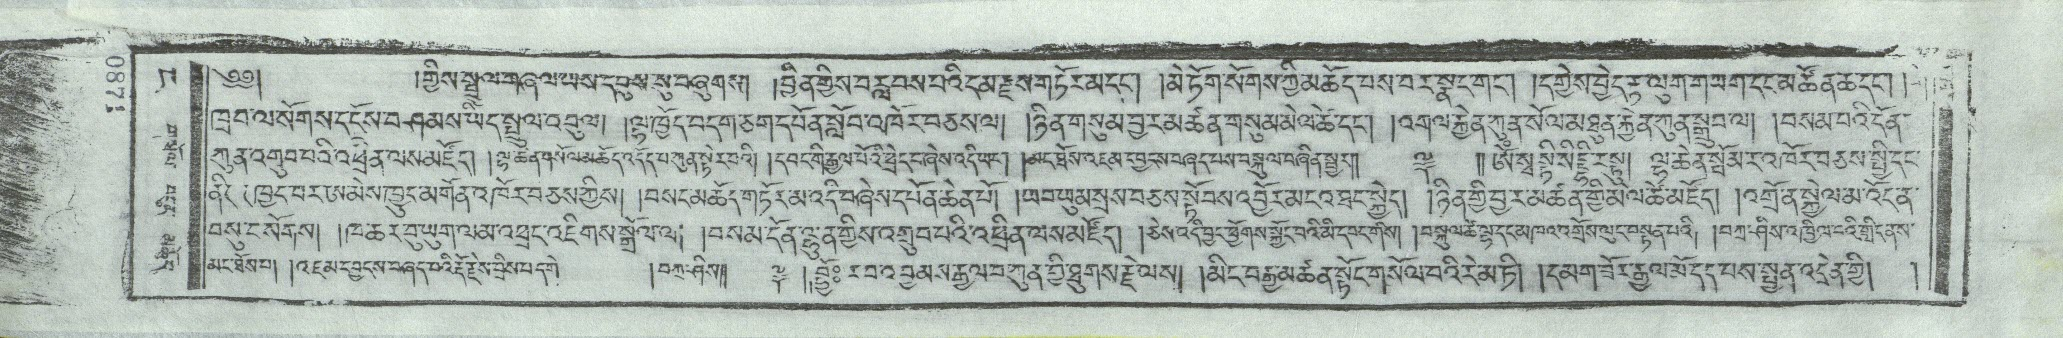༄༅། །གྱིས་སྤྲུལ་གཞལ་ཡས་དབུས་སུ་བཞུགས། །བྱིན་གྱིས་བརླབས་པའི་དམ་རྫས་གཏོར་མ་དང་། །མེ་ཏོག་སོགས་ཀྱི་མཆོད་པས་བར་སྣད་གང་། །དགྱེས་བྱེད་རྟ་ལུག་གཡག་དང་མཚོན་ཆ་དང་། །གོ་
ཁྲབ་ལ་སོགས་དངོས་བཤམས་ཡིད་སྤྲུལ་འབུལ། །ལྷ་ཁྱོད་བདག་ཅག་དཔོན་སློབ་འཁོར་བཅས་ལ། །ཉིན་གསུམ་བྱར་མཚན་གསུམ་མེལ་ཚེ་དང་། །འགལ་རྐྱེན་ཀུན་སོལ་མཐུན་རྐྱེན་ཀུན་སྒྲུབ་ལ། །བསམ་པའི་དོན་
ཀུན་འགྲུབ་པའི་འཕྲིན་ལས་མཛོད། །ལྷ་ཆན་གསོལ་མཆོད་འདོད་པ་ཀུན་སྟེར་བའི། །དབང་གི་རྒྱལ་པོའི་ཕྲེང་བཞེས་འདི་ཡང་། །མང་ཐོས་འཇམ་དབྱངས་བཞད་པས་བསྐུལ་བཞིན་སྦྱར།། ༈ །།ཨོཾ་སྭ་སྟི་སི་དྡྷི་ར་ཤུ། ལྷ་ཆེན་སྦོ་མར་འཁོར་བཅས་྾་སྤྱི་དང་
ནི༑ ༑ཁྱད་པར་ཨ་མེས་ཁྱུང་མགོན་འཁོར་བཅས་ཀྱིས། །བསང་མཆོད་གཏོར་མ་འདི་བཞེས་དཔོན་ཆེན་པོ། །ཡབ་ཡུམ་སྲས་བཅས་སྟོབས་འབྱོར་མང་འཐང་སྐྱེད། །ཉིན་གྱི་བྱར་མཚན་གྱི་མལ་ཚེ་མཛོད། །འགྲོ་ན་སྐྱེལ་མ་འོད་ན་
བསུ་བསོགས། །ཁ་ཆར་བུ་ཡུག་ལམ་འཕྲང་འཇིགས་སྒྲོལ་ལ། །བསམ་དོན་ལྷུན་གྱིས་འགྲུབ་པའི་འཕྲིན་ལས་མཛོད། །ཅེས་འདི་བྱང་ཕྱོགས་སྐྱོད་བའི་མི་དབང་དགོས། །བསྐུལ་ཚེ་ལྷ་དང་མཁའ་འགྲོས་ལུང་བསྟན་པའི། །བཀྲ་ཤིས་འཁྱིལ་པའི་གླིང་ནས་
མང་ཐོས་པ། །འཇམ་དབྱངས་བཞད་པའི་རྡོ་རྗེས་བྲིས་པ་དགེ །བཀྲ་ཤིས།། ༈ །།བྷྱོཿ རབ་འབྱམས་རྒྱལ་བ་ཀུན་གྱི་ཐུགས་རྗེ་ལས། །མིང་བརྒྱ་མཚན་སྟོང་གསོལ་བའི་རེ་མ་ཏི། །དམག་ཟོར་རྒྱལ་མོ་དད་པས་སྤྱན་འདྲེན་གྱི། །